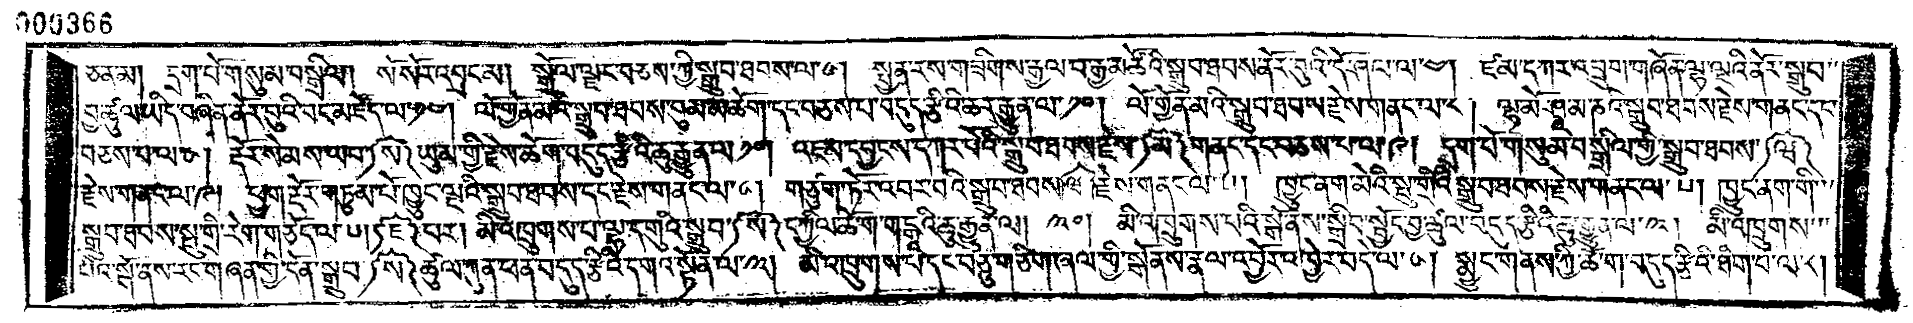ཅན་མ། དྲག་པོ་གསུམ་བསྒྲིལ། སོ་སོར་འབྲང་མ། སྒྲོལ་ལྗང་བཅས་ཀྱི་སྒྲུབ་ཐབས་ལ ༦། སྤྱན་རས་གཟིགས་རྒྱལ་བ་རྒྱ་མཚོའི་སྒྲུབ་ཐབས་ནོར་བུའི་དོ་ཤལ་ལ ༤། ཛམ་དཀར་འབྲུག་གཞོན་ལྷ་ལྔའི་ནོར་སྒྲུབ་
བྱ་ཚུལ་ཡིད་བཞིན་ནོར་བུའི་བང་མཛོད་ལ ༡༤། ལོ་གྱོན་མའི་སྒྲུབ་ཐབས་བུམ་མཆོག་དང་བཅས་པ་བདུད་རྩིའི་ཆར་རྒྱུན་ལ ༡༠། ལོ་གྱོན་མའི་སྒྲུབ་ཐབས་རྗེས་གནང་ལ ༨། ལྷ་མོ་ཤྲཱ་མ་ཎའི་སྒྲུབ་ཐབས་རྗེས་གནང་དང་
བཅས་པ་ལ ༦། རྡོར་སེམས་ཡབ ༼ས༽ ཡུམ་གྱི་རྗེས་ཆོག་བདུད་རྩིའི་ཆུ་རྒྱུན་ལ ༡༠། འཇམ་དབྱངས་དཀར་པོའི་སྒྲུབ་ཐབས་རྗེས ༼མ༽ གནང་དང་བཅས་པ་ལ ༩། དྲག་པོ་གསུམ་བསྒྲིལ་གྱི་སྒྲུབ་ཐབས ༼ཝ༽
རྗེས་གནང་ལ ༩། ཕྱག་རྡོར་གཏུམ་པོ་ཁྱུང་ལྔའི་སྒྲུབ་ཐབས་དང་རྗེས་གནང་ལ ༦། གཙུག་ཏོར་འབར་བའི་སྒྲུབ་ཐབས ༼ཝ༽ རྗེས་གནང་ལ ༥། ཁྱུང་ནག་མེའི་སྤུ་གྲིའི་སྒྲུབ་ཐབས་རྗེས་གནང་ལ ༥། ཁྱུང་ནག་གི་
སྒྲུབ་ཐབས་སྤུ་གྲི་རེག་གཅོད་ལ ༥། ༼ཇ༽ པར། མི་འཁྲུགས་པ་ལྷ་དགུའི་སྒྲུབ ༼ས༽ དཀྱིལ་ཆོ་ག་གངྒཱའི་ཆུ་རྒྱུན་ལ། ༣༠། མི་འཁྲུགས་པའི་སྒོ་ནས་སྒྲིབ་སྦྱོང་བྱ་ཚུལ་བདུད་རྩིའི་ཆུ་རྒྱུན་ལ ༣། མི་འཁྲུགས་
པའི་སྒོ་ནས་རང་གཞན་གྱི་དོན་སྒྲུབ ༼ས༽ ཚུལ་ཀུན་ཕན་བདུད་རྩིའི་དགའ་སྟོན་ལ ༣། མི་འཁྲུགས་པ་དང་བཅུ་གཅིག་ཞལ་གྱི་སྒོ་ནས་རྣལ་འབྱོར་འཁྱེར་བདེ་ལ ༦། སྨྱུང་གནས་ཀྱི་ཆོ་ག་བདུད་རྩིའི་ཐིག་པ་ལ ༨།